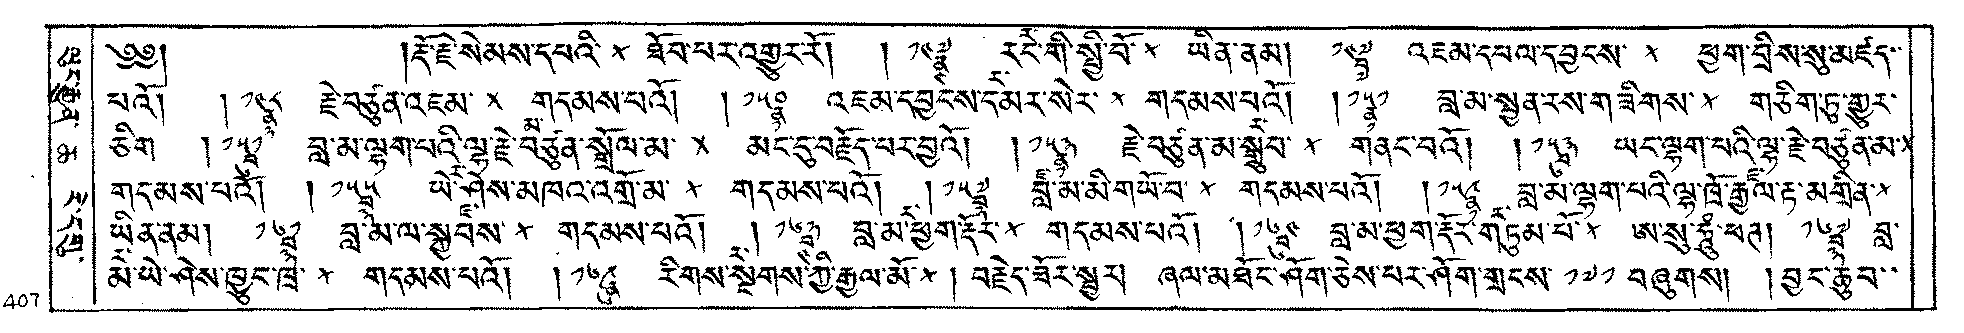༄༅། །རྡོ་རྗེ་སེམས་དཔའི་྾་ཐོབ་པར་འགྱུར་རོ། །༡༤༧་ན ༤་རང་ར་གི་སྤྱི་བོ་྾་ཡིན་ནམ། ༡༤༧་བ ༧་འཇམ་དཔལ་དབྱངས་྾་ཕྱག་བྲིས་སུ་མཛད་
པའོ། །༡༤༨་ན ༢་རྗེ་བཙུན་འཇམ་྾་གདམས་པའོ། །༡༥༠་ན ༡་ར་འཇམ་དབྱངས་དམར་སེར་྾་གདམས་པའོ། །༡༥༡་ན ༡་བླ་མ་སྤྱན་རས་གཟིགས་྾་གཅིག་ཏུ་གྱུར་
ཅིག །༡༥༡་བ ༦་བླ་མ་ལྷག་པའི་ལྷ་རྗེ་མ་བཙུན་སྒྲོལ་མ་྾་མང་དུ་བརྗོད་པར་བྱའོ། །༡༥༣་ན ༡་རྗེ་བཙུན་མ་སྒྲུབ་ར་྾་གནང་བའོ། །༡༥༣་བ ༦་ཡང་ལྷག་པའི་ལྷ་རྗེ་བཙུན་མ་྾་
གདམས་པའོ། །༡༥༥་བ ༣་ཡེ་ར་ཤེས་མཁའ་འགྲོ་མ་྾་གདམས་པའོ། །༡༥༧་བ ༢་བླ་ཇ་མ་མི་གཡོ་བ་྾་གདམས་པའོ། །༡༥༩་ན ༡་བླ་མ་ལྷག་པའི་ལྷ་ཁྲོ་རྒྱལ་ཇ་རྟ་མགྲིན་྾་
ཡིན་ནམ། ༡༦༡་བ ༣་བླ་མ་ལ་སྐྱབས་྾་གདམས་པའོ། །༡༦༢་བ ༤་བླ་མ་ར་ཕྱག་རྡོར་྾་གདམས་པའོ། །༡༦༤་བ ༦་བླ་མ་ཕྱག་རྡོར་གཏུམ་ར་པོ་྾་ཨ་སུ་ཧཱུཾ་ཕཊ། ༡༦༧་བ ༣་བླ་
མ་ར་ཡེ་ཤེས་ཁྱུང་ཁྲི་྾་གདམས་པའོ། །༡༦༩་ན ༦་ར་རིགས་སྔགས་ཀྱི་རྒྱལ་མོ་྾། བརྗེད་ཐོར་སྦྱར། ཞལ་མཐོགན་ཤོག་ཅེས་པར་ཤོག་གྲངས ༡༧༡་བཞུགས། །བྱང་ཆུབ་